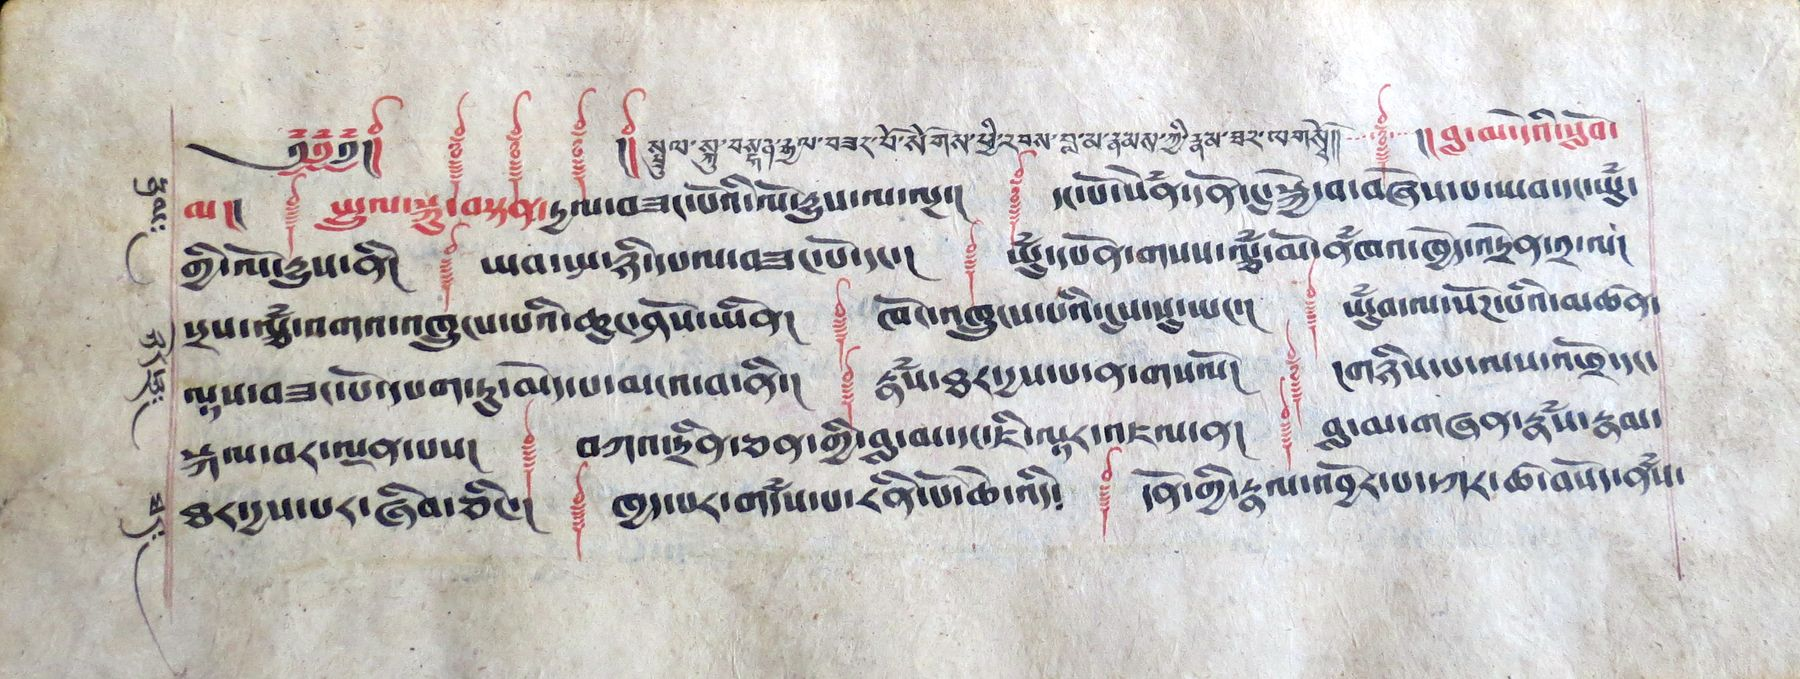སྤྲུལ་སྐུ་བསྟན་རྒྱལ་བཟང་པོ་སོགས་ཕྱི་རབས་བླ་མ་རྣམས་ཀྱི་ལོ་རྒྱུས་ལགས་སོ། ། བླ་མ་དེའི་སློབ་
མ་སྤྲུལ་སྐུ་བསྟན་རྒྱལ་བཟང་པོའི་ལོ་རྒྱུས་ལ་ལྔ། དང་པོ་སེམས་ཅན་དོན་དུ་སྐྱེ་བ་བཞེས་པ་ཡབ་དང་ཡུམ་
གྱི་ལོ་རྒྱུས་ནི། ཡབ་སྤ་ཉི་དཔལ་བཟང་པོ། ཡུམ་དཔོས་གསས་ལྕམ་མོ་ནམ་མཁའ་ཁྱེའུ་འདྲེན་གཉིས་ལ། 
སྲས་ལྕམ་འགའ་འཁྲུངས་བའི་ཆུང་ཤོས་ཡིན། ཁོང་འཁྲུངས་པའི་དུས་སུ་ཡང་། ཡབ་ཡུམ་ལས་སོགས་མཚན་
ལྟས་བཟང་པོ་དཔག་ཏུ་མེད་པར་མངའ་བ་ནི། རྣམ་ཐར་རྒྱས་པའི་ནང་དུ་གསལ་ལོ། ། གཉིས་པ་ལས་འཕྲོ་དང་
སྐལ་པར་ལྡན་པས། བཀའ་དྲིན་ཅན་གྱི་བླ་མ་དང་ཅི་ལྟར་མཇལ་ན། བླ་མ་གཞན་རྣམས་རྣམ་
ཐར་རྒྱས་པར་ཞིབ་ཅིང་། ཁྱད་པར་གདམས་པ་རིན་པོ་ཆེ་འདི། དོན་གྱི་རྣལ་འབྱོར་པ་ཀར་ཚ་བསོད་ནམས་བློ་གྲོས་